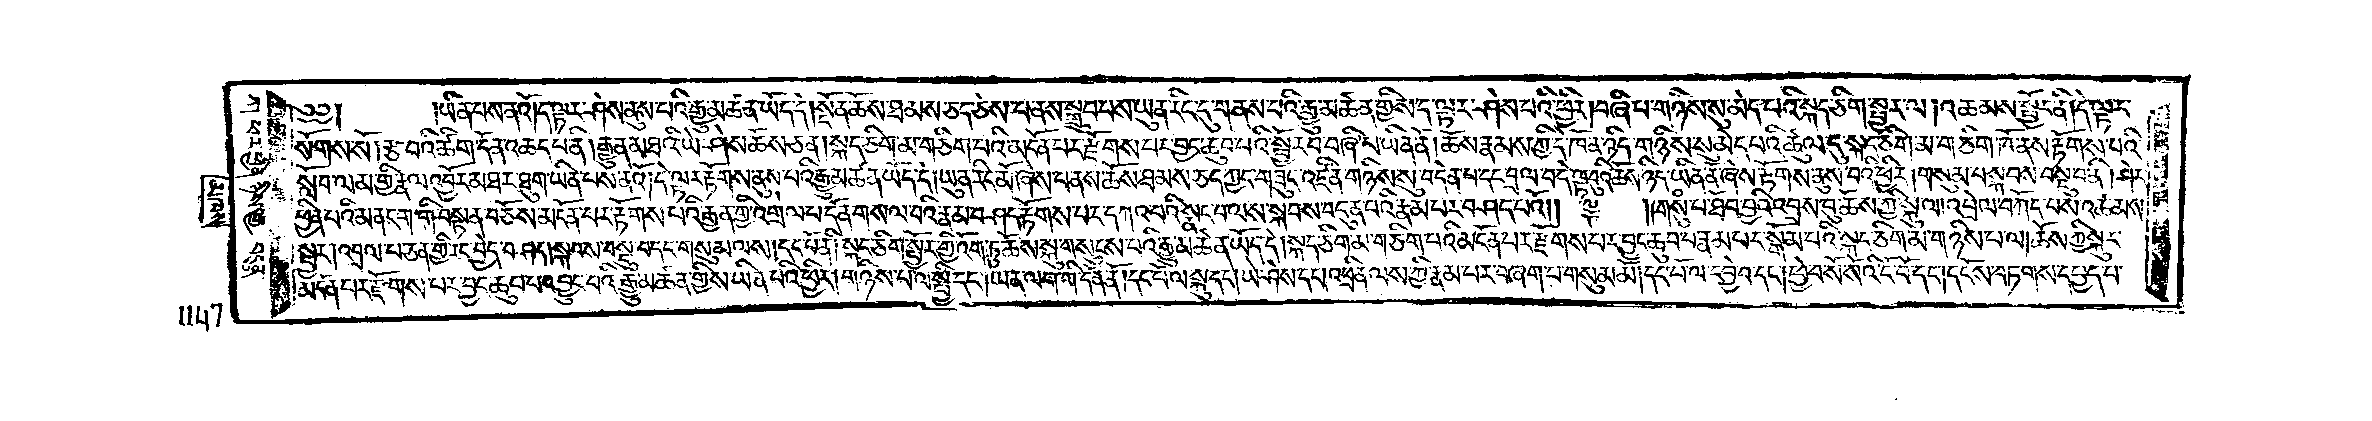༄༅། །ཡིན་པས་ནའོ། དེ་ལྟར་ཤེས་ནུས་པའི་རྒྱུ་མཚན་ཡོད་དེ། སྔོན་ཆོས་ཐམས་ཅད་ཅེས་པ་ནས་སྒྲུབ་པས་ཡུན་རིང་དུ་གནས་པའི་རྒྱུ་མཚན་གྱིས་དེ་ལྟར་ཤེས་པའི་ཕྱིར། བཞི་པ་གཉིས་སུ་མེད་པའི་སྐད་ཅིག་སྦྱར་ལ། འཚམས་སྦྱོར་ནི། དེ་ལྟར་
སོགས་སོ། རྩ་བའི་ཚིག་དོན་འཆད་པ་ནི། རྒྱུན་མཐའི་ཡེ་ཤེས་ཆོས་ཅན། སྐད་ཅིག་མ་གཅིག་པའི་མངོན་པར་རྫོགས་པར་བྱང་ཆུབ་པའི་སྦྱོར་བ་བཞི་པ་ཡིན་ནོ། །ཆོས་རྣམས་ཀྱི་དེ་ཁོ་ན་ཉིད་གཉིས་སུ་མེད་པའི་ཚུལ་དུ་སྐད་ཅིག་མ་གཅིག་ཁོ་ནས་རྟོགས་པའི་
སློབ་ལམ་གྱི་རྣལ་འབྱོར་མཐར་ཐུག་ཡིན་པས་ནའོ། དེ་ལྟར་རྟོགས་ནུས་པའི་རྒྱུ་མཚན་ཡོད་དེ། ཡུན་རིང་མོ་ཞེས་པ་ནས་ཆོས་ཐམས་ཅད་ཀྱང་གཟུང་འཛིན་གཉིས་སུ་བདེན་པ་དང་བྲལ་བ་དེ་ལྟ་བུའི་ཆོས་ཉིད་ཡིན་ནོ་ཞེས་རྟོགས་ནུས་པའི་ཕྱིར། གསུམ་པ་སྐབས་བསྡུ་བ་ནི། ཤེར་
ཕྱིན་པའི་མན་ངག་གི་བསྟན་བཅོས་མངོན་པར་རྟོགས་པའི་རྒྱན་གྱི་འགྲེལ་པ་དོན་གསལ་པའི་རྣམ་བཤད་རྟོགས་པར་དཀའ་བའི་སྣང་བ་ལས་སྐབས་བདུན་པའི་རྣམ་པར་བཤད་པའོ།། ༈ །།གསུམ་པ་ཐོབ་བྱའི་འབྲས་བུ་ཆོས་ཀྱི་སྐུ་ལ། འབྲེལ་བཀོད་པས་འཚམས་
སྦྱར། འབྲལ་བ་ཅན་གྱི་རང་བྱེད་བཤད། སྐབས་བསྡུ་བ་དང་གསུམ་ལས། དང་པོ་ནི། སྐད་ཅིག་སྦྱོར་གྱི་འོག་ཏུ་ཆོས་སྐུ་གསུངས་པའི་རྒྱུ་མཚན་ཡོད་དེ། སྐད་ཅིག་མ་གཅིག་པའི་མངོན་པར་རྫོགས་པར་བྱང་ཆུབ་པ་རྣམ་པར་སྒོམ་པའི་སྐད་ཅིག་མ་གཉིས་པ་ལ། ཆོས་ཀྱི་སྐུར་
མངོན་པར་རྫོགས་པར་བྱང་ཆུབ་པ་འབྱུང་བའི་རྒྱུ་མཚན་གྱིས་ཡིན་པའི་ཕྱིར། གཉིས་པ་ལ་སྤྱི་དང་། ཡན་ལག་གི་དོན་ནོ། དང་པོ་ལ་སྐུ་དང་། ཡེ་ཤེས་དང་། འཕྲིན་ལས་ཀྱི་རྣམ་པར་བཞག་པ་གསུམ་མོ། དང་པོ་ལ་དབྱེ་བ་དང་། ཕྱེ་བ་སོ་སོའི་ངོ་བོ་དང་། དངོས་བཏགས་དཔྱད་པ་